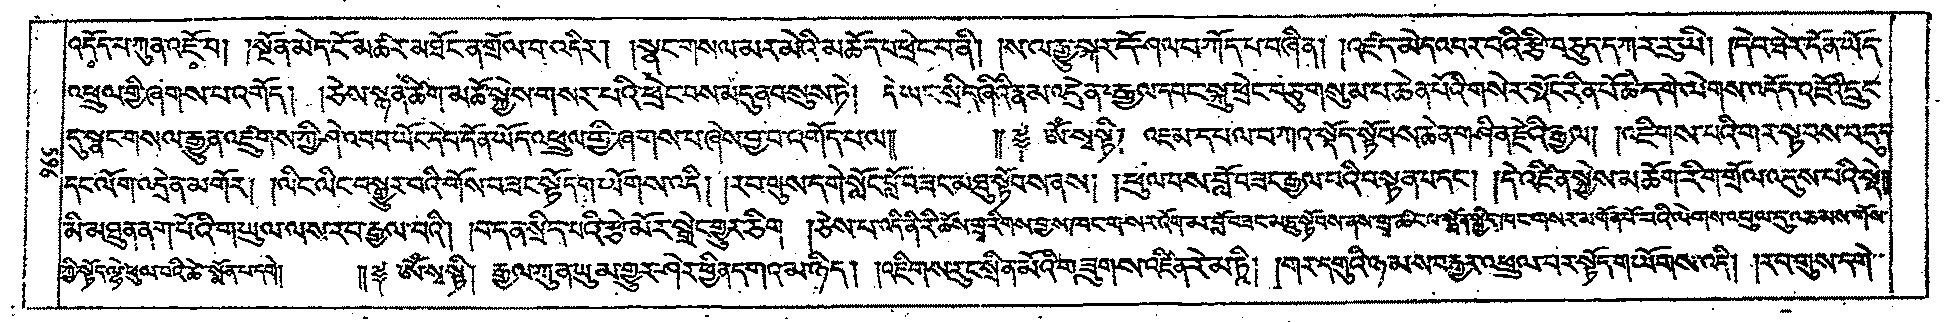འདོད྾་པ་ཀུན་འཇོ྾་བ། །སྔོན་མེད་ངོ་མཚར་མཐོང་ན་གྲོལ་བ་འདིར། །སྣང་གསལ་མར་མེའི་མཆོད་པ་ཕྲེང་བ་ནི། །ས་ལ་རྒྱུ་སྐར་དོ་ཤལ་བཀོད་པ་བཞིན། །འཛད་མེད་འབར་བའི་རྩི་བཅུད་དཀར་རུ་ཡི། །དེབ་ཐེར་དོན་ཡོད་
འཕྲུལ་གྱི་ཞགས་པ་འགོད། །ཅེས་སྙན་ཚིག་མཚོ་སྐྱེས་གསར་པའི་ཕྲེང་བས་མདུན་བསུས་ཏེ། དེ་ཡང་སྲིད་ཞིའི་རྣམ་འདྲེན་༧རྒྱལ་དབང་སྐུ་ཕྲེང་བཅུ་གསུམ་པ་ཆེན་པོའི་གསེར་སྡོང་རིན་པོ་ཆེ་དགེ་ལེགས་འདོད་འཇོའི་དྲུང་
དུ་སྣང་གསལ་རྒྱུན་འཛུགས་ཀྱི་ཤེ་འབབ་ཡོང་དེབ་དོན་ཡོད་འཕྲུལ་གྱི་ཞགས་པ་ཞེས་བྱ་བ་འགོད་པ་ལ།། །། ༈ ཨོཾ་སྭ་སྟི། འཇམ་དཔལ་བཀའ་སྡོད་སྟོབས་ཆེན་གཤིན་རྗེའི་རྒྱལ། །འཇིགས་པའི་གར་སྟབས་བདུད་
དང་ལོག་འདྲེན་མགོར། །ལིང་ལིང་བསྒྱུར་བའི་གོས་བཟང་སྟོད་གཡོགས་འདི། །རབ་གུས་དགེ་སློང་བློ་བཟང་མཐུ་སྟོབས་ནས། །ཕུལ་བས་བློ་བཟང་རྒྱལ་བའི་བསྟན་པ་དང་། །དེ་འཛིན་སྐྱེས་མཆོག་རིག་གྲོལ་འདུས་པའི་སྡེ། །
མི་མཐུན་ནག་པོའི་གཡུལ་ལས་རབ་རྒྱལ་བའི། །བ་དན་སྲིད་པའི་རྩེ་མོར་སྒྲེང་གྱུར་ཅིག །ཅེས་པ་འདི་ནི་རི་ཆོས་གྲྭ་རིགས་བྱས་ཁང་གསར་འོག་མ་བློ་བཟང་མཐུ་སྟོབས་ནས་གྲྭ་ཚང་ལ་སྨོན་སྐྱིད་ཁང་གསར་མགོན་པོ་བའི་ལེགས་འབུལ་དུ་འཆམས་གོས་
ཀྱི་སྟོད་ལྷེ་ཕུལ་བའི་ཚེ་སྨོན་པ་དགེ། །། ༈ ཨོཾ་སྭ་སྟི། རྒྱལ་ཀུན་ཡུམ་གྱུར་ཤེར་ཕྱིན་དགའ་མ་ཉིད། །འཇིགས་རུང་སྲིན་མོའི་གཟུགས་འཛིན་རེ་མ་ཏཱི། །གར་དགུའི་ཉམས་བརྒྱར་འཕྲུལ་བར་སྟོད་གཡོགས་འདི། །རབ་གུས་དགེ་